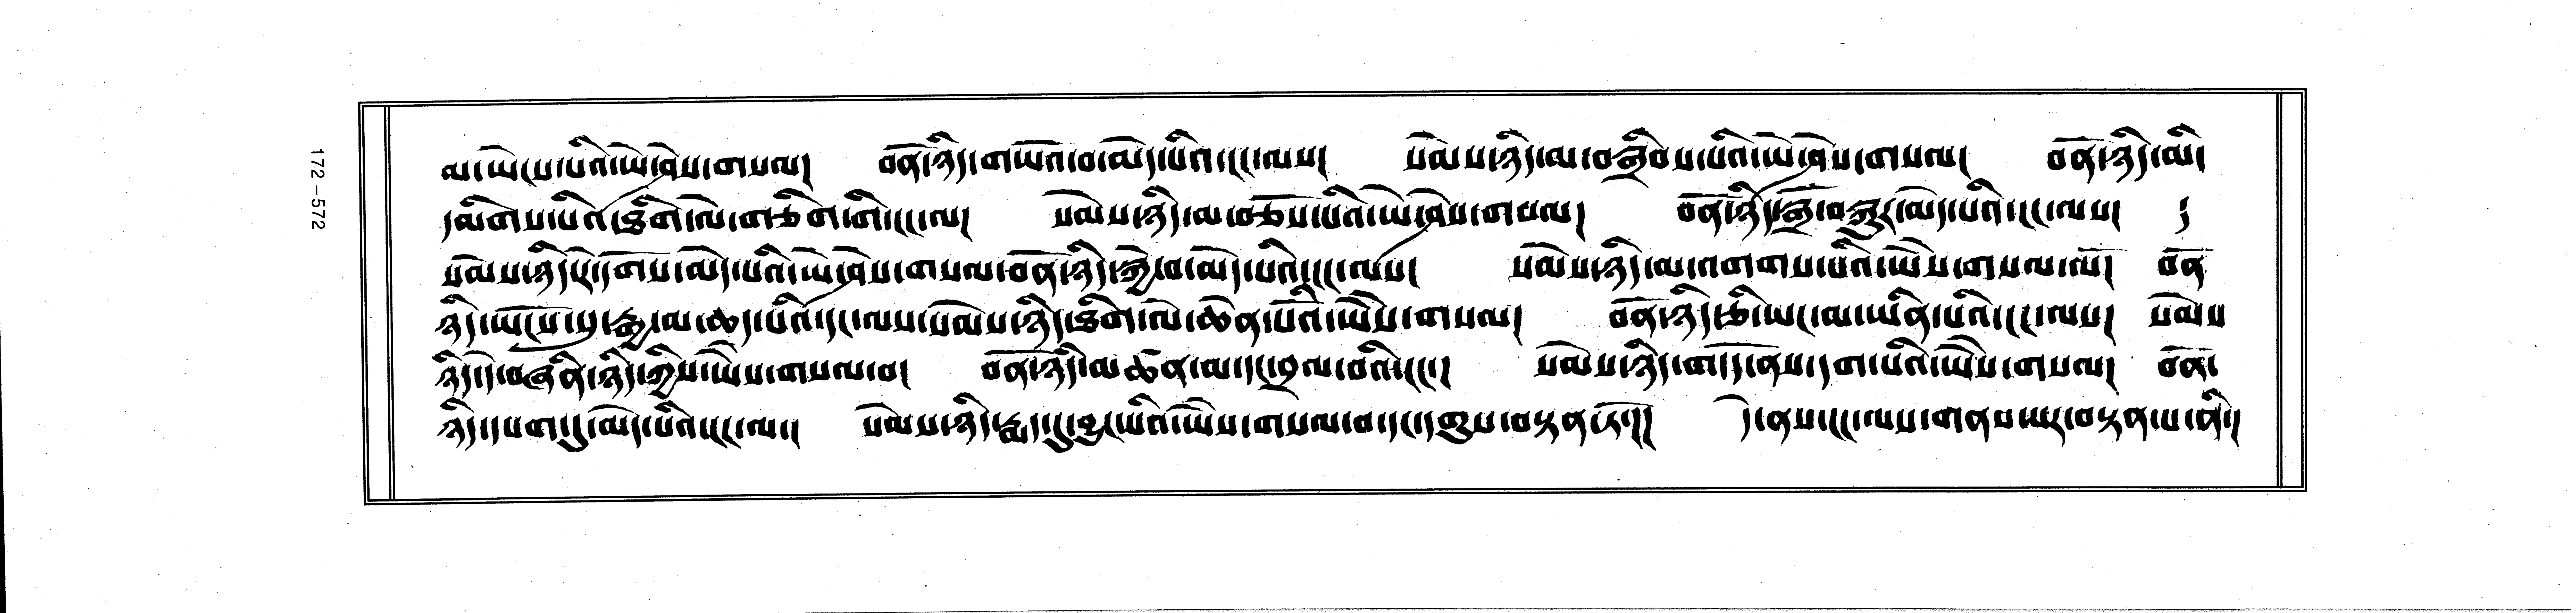མ་གཡེངས་པའི་ཡེ་ཤེས་གསལ། བོན་ཉིད་གཡོའ་བ་མེད་པའི་ངང་ལས། སེམས་ཉིད་མ་བསྒྲིབས་པའི་ཡེ་ཤེས་གསལ། བོན་ཉིད་མི་
དམིགས་པའི་ཐིག་ལེ་གཅིག་གི་ངང་ལ། སེམས་ཉིད་མ་བཅོས་པའི་ཡེ་ཤེས་གསལ། བོན་ཉིད་སྒྲོ་བསྐུར་མེད་པའི་ངང་ལས། 
སེམས་ཉིད་རེ་དོགས་མེད་པའི་ཡེ་ཤེས་གསལ། བོན་ཉིད་སྐྱེ་བ་མེད་པའི་ངང་ལས། སེམས་ཉིད་མ་འགག་པའི་ཡེ་ཤེས་གསལ་ལོ། བོན་
ཉིད་ཡོངས་སུ་རྒྱ་མ་ཆད་པའི་ངང་ལས་སེམས་ཉིད་ཐིག་ལེ་ཆེན་པོའི་ཡེ་ཤེས་གསལ། བོན་ཉིད་ཅི་ཡང་མ་ཡིན་པའི་ངང་ལས། སེམས་
ཉིད་དེ་བཞིན་ཉིད་ཀྱིས་ཡེ་ཤེས་གསལ་བ། བོན་ཉིད་མཚན་མ་དང་བྲལ་བའི་ངང་། སེམས་ཉིད་གདོད་ནས་དག་པའི་ཡེ་ཤེས་གསལ། བོན་
ཉིད་དཔག་དུ་མེད་པའི་ངང་ལས། སེམས་ཉིད་རྨད་དུ་བྱུང་པའི་ཡེ་ཤེས་གསལ་བ་དང་དགུས་བསྟན་ཏོ། དེ་ནས་ངང་ལས་གནས་པར་བསྟན་པ་ནི།